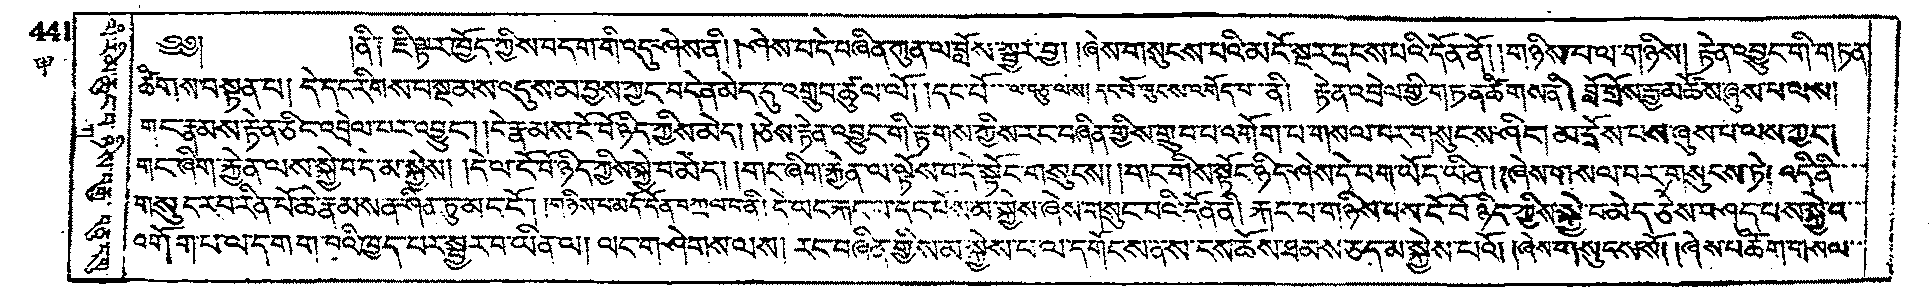༄༅། །ནི༑ ཇི་ལྟར་ཁྱོད་ཀྱིས་བདག་གི་འདུ་ཤེས་ནི། །ཤེས་པ་དེ་བཞིན་ཀུན་ལ་བློས་སྦྱར་བྱ། །ཞེས་གསུངས་པའི་མདོ་སྔར་དྲངས་པའི་དོན་ནི། །གཉིས་པ་ལ་གཉིས། རྟེན་འབྱུང་གི་གཏན་
ཚིགས་བསྟན་པ། དེ་དང་རིགས་པ་སྔ་མས་འདུས་མ་བྱས་ཀྱང་བདེན་མེད་དུ་འགྲུབ་ཚུལ་ལོ། །དང་པོ་ལ་བཅུ་ལས། དང་པོ་ཁུངས་འགོད་པ་ནི། རྟེན་འབྲེལ་གྱི་གཏན་ཚིགས་ནི། བློ་གྲོས་རྒྱ་མཚོས་ཞུས་པ་ལས།
གང་རྣམས་རྟེན་ཅིང་འབྲེལ་པར་འབྱུང་། །དེ་རྣམས་ངོ་བོ་ཉིད་ཀྱིས་མེད། །ཅེས་རྟེན་འབྱུང་གི་རྟགས་ཀྱིས་རང་བཞིན་གྱིས་གྲུབ་པ་འགོག་པ་གསལ་བར་གསུངས་ཤིང་། མ་དྲོས་པས་ཞུས་པ་ལས་ཀྱང་།
གང་ཞིག་རྐྱེན་ལས་སྐྱེ་བ་དེ་མ་སྐྱེས། །དེ་ལ་ངོ་བོ་ཉིད་ཀྱིས་སྐྱེ་བ་མེད། །གང་ཞིག་རྐྱེན་ལ་ལྟོས་པ་དེ་སྟོང་གསུངས། །གང་གིས་སྟོང་ཉིད་ཤེས་དེ་བག་ཡོད་ཡིན། །ཞེས་གསལ་བར་གསུངས་ཏེ། འདི་ནི་
གསུང་རབ་རིན་པོ་ཆེ་རྣམས་ན་ཤིན་ཏུ་མང་ངོ། །གཉིས་པ་མདོ་དོན་བཀྲལ་བ་ནི།  དེ་ཡང་རྐང་པ་དང་པོས་མ་སྐྱེས་ཞེས་གསུང་བའི་དོན་ནི། རྐང་པ་གཉིས་པས་ངོ་བོ་ཉིད་ཀྱིས་སྐྱེ་བ་མེད་ཅེས་བཤད་པས་སྐྱེ་བ་
འགོག་པ་ལ་དགག་བྱའི་ཁྱད་པར་སྦྱར་བ་ཡིན་ལ། ལང་གཤེགས་ལས། རང་བཞིན་གྱིས་མ་སྐྱེས་པ་ལ་དགོངས་ནས་ངས་ཆོས་ཐམས་ཅད་མ་ཀྶྱེས་པའོ། །ཞེས་གསུངས་སོ། །ཞེས་པ་ཚིག་གསལ་